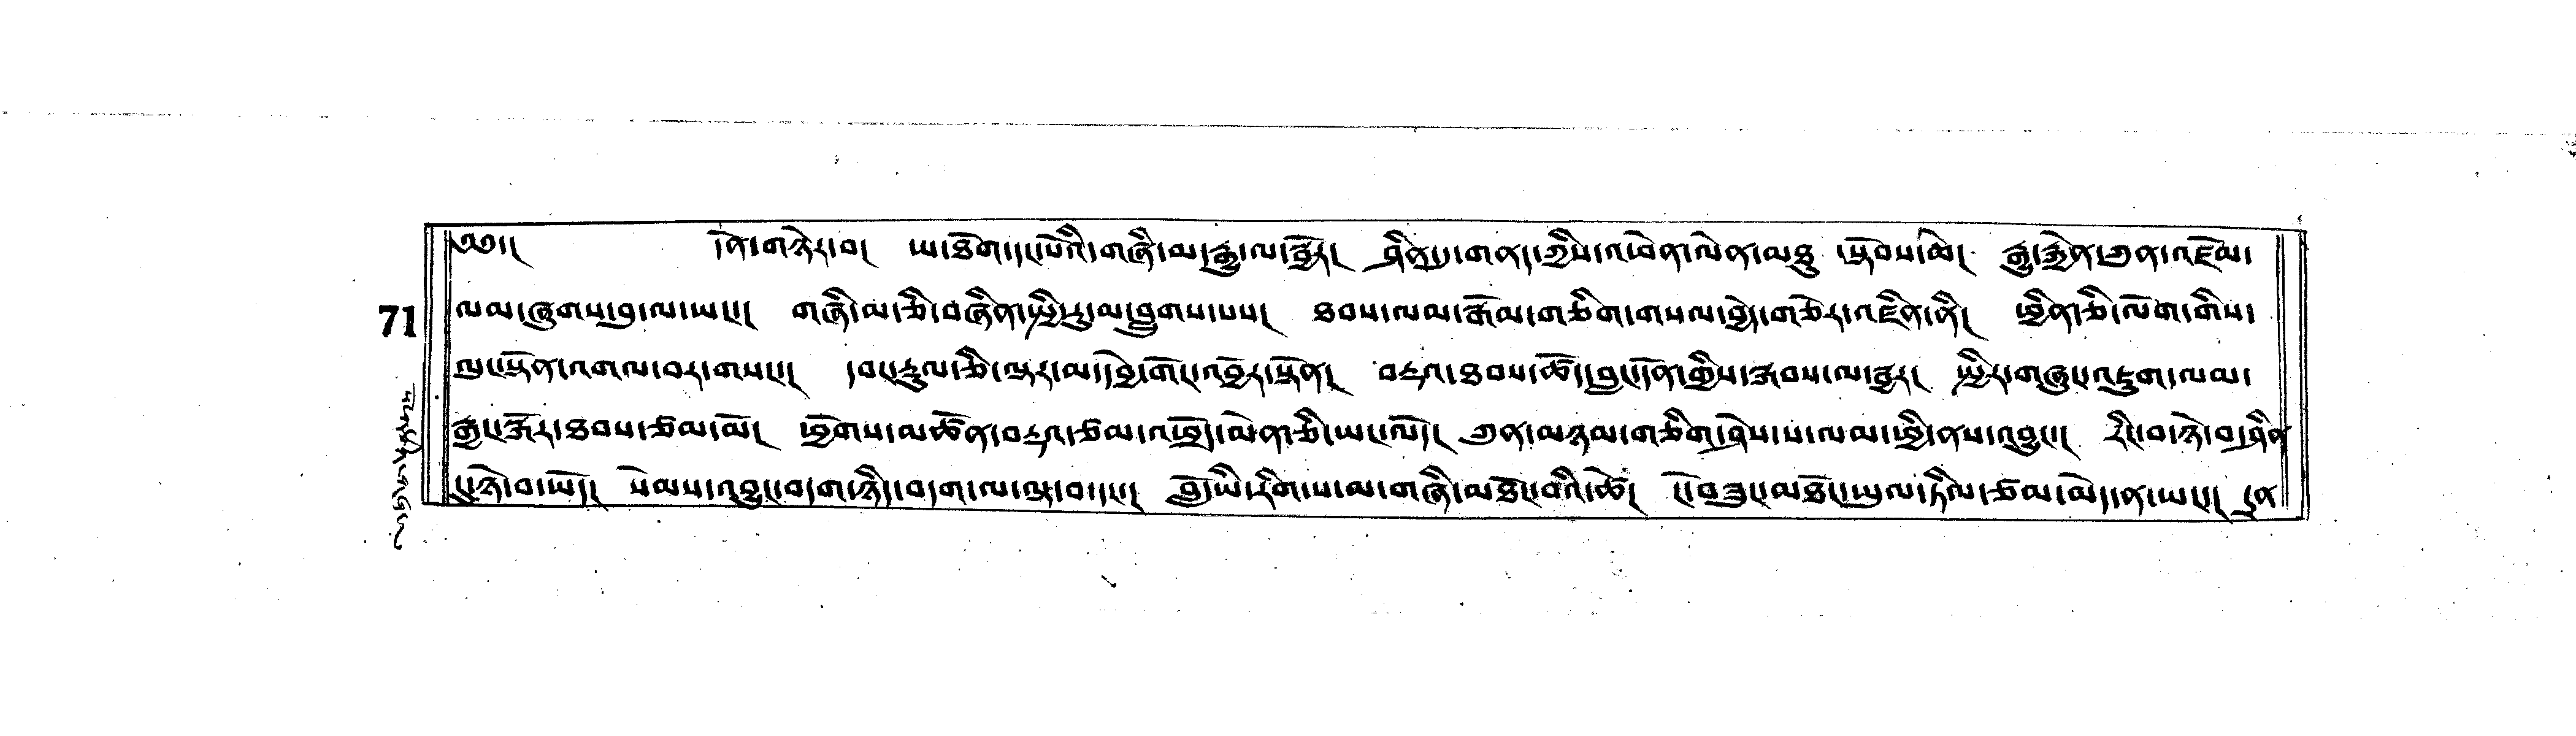དོན་གཉེར་བ། ཡ་ཐོག་དང་པོའི་གཞི་མ་རྒྱུ་ལ་སྦྱོར། ཤིན་ཏུ་གནད་ཀྱིས་འཕེན་ལེན་མཐུ་སྟོབས་ཆེ། རྒྱུ་རྐྱེན་ཀུན་འཛོམས་
ལམ་ཞུགས་བུ་ལ་ཡང་། གཞི་མ་ཅི་བཞིན་སྤྱི་རུ་མ་བླུགས་པས། ཐབས་ལམ་སྒོམ་ཅིག་གསལ་བྱེད་ཅེར་འཛིན་ནི། ཕྱིན་ཅི་ལོག་གི་
ལུང་སྟོན་འགལ་བར་གསང་། དབང་རྟུལ་ཅི་ལྟར་མ་དབྱེ་གང་འབྱོར་སྟོན། བརྡ་ཐབས་ཚོད་བླང་དོན་གྱི་སྐབས་ལ་སྦྱར། སྤྱིར་གཞུང་འཇུག་ལམ་
སྦྱང་སྐོར་ཐབས་ཙམ་མོ། ཕྱོགས་མཚོན་བརྡ་ཙམ་འཕྲོད་མེན་ཅི་ཡང་ལོད། ཀུན་ཉམས་གཅིག་ཤེས་ས་ལམ་ཕྱི་ནས་འབྱུང་། རིང་བ་ཉེ་བ་ཤིན་
ཏུ་ཉེ་བ་ཡོད། སེམས་འབྱུང་བདག་ཉིད་བདག་ལ་ལྟ་བ་དང་། བློ་ཡི་རིག་པ་མ་བཞི་མཐོང་བའི་ཚེ། ངོ་བཟུང་མཐོང་ཡུལ་ཏིལ་ཙམ་མེད་ན་ཡང་། དྲན་